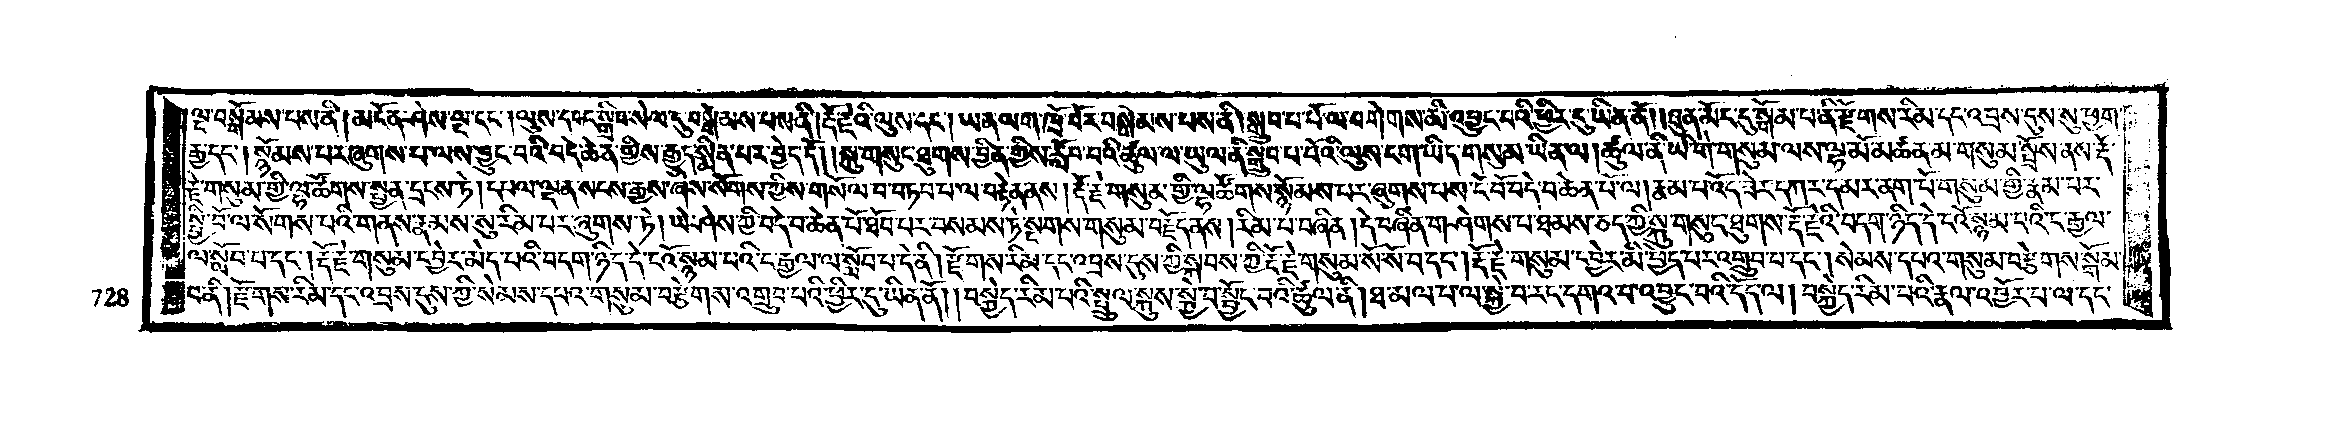ལྔ་བསྒོམས་པས་ནི། མངོན་ཤེས་ལྔ་དང་། ལུས་དབང་སྒྲིབ་སེལ་དུ་བསྒོམས་པས་ནི། རྡོ་རྗེའི་ལུས་དང་། ཡན་ལག་ཁྲོ་བོར་བསྒོམས་པས་ནི། སྒྲུབ་པ་པོ་ལ་བགེགས་མི་འབྱུང་བའི་ཕྱིར་དུ་ཡིན་ནོ། །ཐུན་མོང་དུ་སྒོམ་པ་ནི་རྫོགས་རིམ་དང་འབྲས་དུས་སུ་ཕྱག་
རྒྱ་དང་། སྙོམས་པར་ཞུགས་པ་ལས་བྱུང་བའི་བདེ་ཆེན་གྱིས་རྒྱུད་སྨིན་པར་བྱེད་དོ། །སྐུ་གསུང་ཐུགས་བྱིན་གྱིས་རློབ་པའི་ཚུལ་ལ་ཡུལ་ནི་སྒྲུབ་པ་པོའི་ལུས་ངག་ཡིད་གསུམ་ཡིན་ལ། ཚུལ་ནི་ཡི་གེ་གསུམ་ལས་ལྷ་མོ་མཚན་མ་གསུམ་སྤྲོས་ནས་རྡོ་
རྗེ་གསུམ་གྱི་ལྷ་ཚོགས་སྤྱན་དྲངས་ཏེ། དཔལ་ལྡན་སངས་རྒྱས་ཞེས་སོགས་ཀྱིས་གསོལ་བ་བཏབ་པ་ལ་བརྟེན་ནས། རྡོ་རྗེ་གསུམ་གྱི་ལྷ་ཚོགས་སྙོམས་པར་ཞུགས་པས་ངོ་བོ་བདེ་བ་ཆེན་པོ་ལ། རྣམ་པ་འོད་ཟེར་དཀར་དམར་ནག་པོ་གསུམ་གྱི་རྣམ་པར་
སྤྱི་བོ་ལ་སོགས་པའི་གནས་རྣམས་སུ་རྨི་པར་ཞུགས་ཏེ། ཡེ་ཤེས་ཀྱི་བདེ་བ་ཆེན་པོ་ཐོབ་པར་བསམས་ཏེ་སྔགས་གསུམ་བརྗོད་ནས། རིམ་པ་བཞིན་།དེ་བཞིན་གཤེགས་པ་ཐམས་ཅད་ཀྱི་སྐུ་གསུང་ཐུགས་རྡོ་རྗེའི་བདག་ཉིད་དེ་ངའོ་སྙམ་པའི་ང་རྒྱལ་
ལ་སློབ་པ་དང་། རྡོ་རྗེ་གསུམ་དབྱེར་མེད་པའི་བདག་ཉིད་དེ་ངའོ་སྙམ་པའི་ང་རྒྱལ་ལ་སློབ་པ་དེ་ནི། རྫོགས་རིམ་དང་འབྲས་དུས་ཀྱི་སྐབས་ཀྱི་རྡོ་རྗེ་གསུམ་སོ་སོ་བ་དང་། རྡོ་རྗེ་གསུམ་དབྱེར་མི་ཕྱེད་པར་འགྲུབ་པ་དང་། སེམས་དཔའ་གསུམ་བརྩེགས་སྒོམ་
པ་ནི། རྫོགས་རིམ་དང་འབྲས་དུས་ཀྱི་སེམས་དཔའ་གསུམ་རྩེགས་འགྲུབ་པའི་ཕྱིར་དུ་ཡིན་ནོ། །བསྐྱེད་རིམ་པའི་སྤྲུལ་སྐུས་སྐྱེ་བ་སྦྱོང་བའི་ཚུལ་ནི། ཐ་མལ་པ་ལ་སྐྱེ་བ་རང་དགའ་བ་འབྱུང་བའི་དོད་ལ། བསྐྱེད་རིམ་པའི་རྣལ་འབྱོར་པ་ལ་དང་